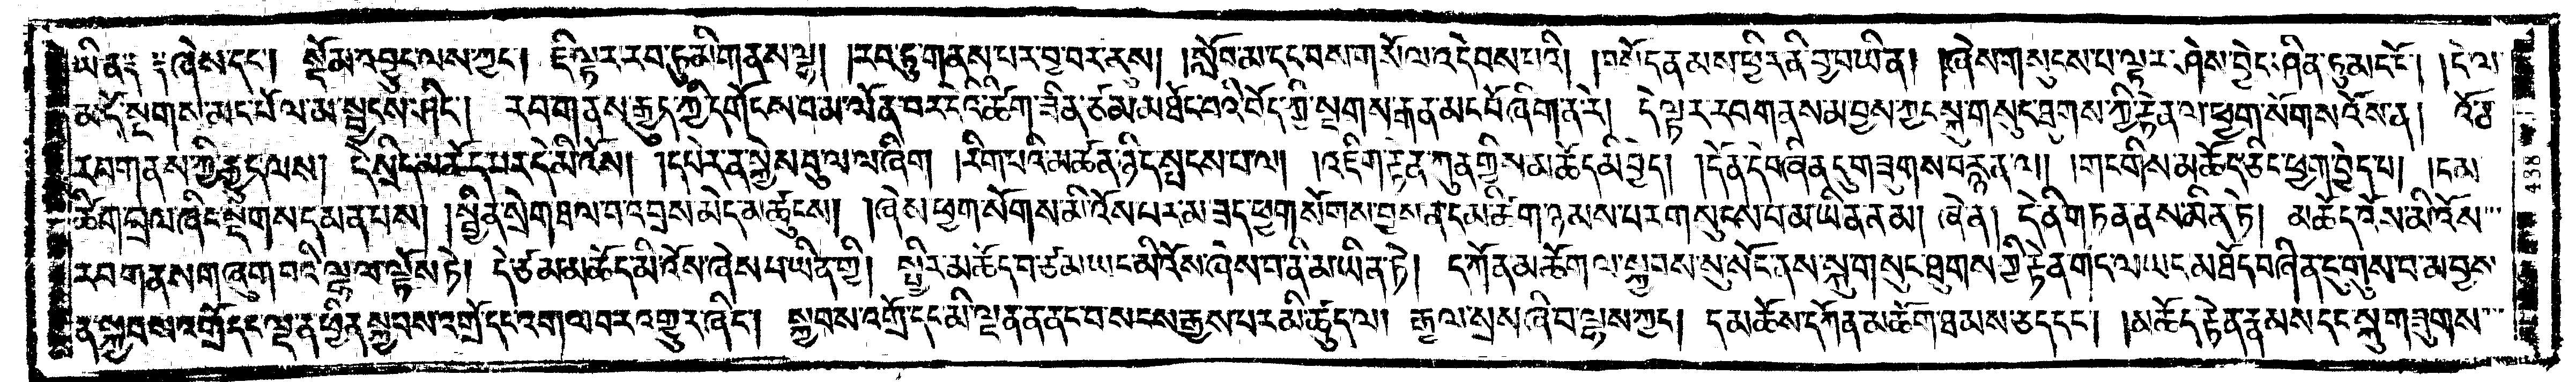ཡིན། །ཞེས་དང་། སྡོམ་འབྱུང་ལས་ཀྱང་། །ཇི་ལྟར་རབ་ཏུ་མི་གནས་ལྷ། །རབ་ཏུ་གནས་པར་བྱ་བར་ནུས། །སློབ་མ་དང་བས་གསོལ་འདེབས་པའི། །བསོད་ནམས་ཕྱིར་ནི་བྱ་བ་ཡིན། །ཞེས་གསུངས་པ་ལྟར་ཤེས་བྱེད་ཤིང་ཏུ་མདོང་། །དེ་ལ་
མདོ་སྔགས་མང་པོལ་མ་སྦྱངས་ཤིང་། རབ་གནས་རྒྱུད་ཀྱི་དགོངས་བ་མ་ལོན་བར་དེའི་ཚིག་ཟིན་ཙམ་མཐོང་བའི་བོད་ཀྱི་སྔགས་རྒན་མང་པོ་ཞིག་ན་རེ། དེ་ལྟར་རབ་གནས་མ་བྱས་ཀྱང་སྐུ་གསུང་ཐུགས་ཀྱི་རྟེན་ལ་ཕྱག་སོགས་འོས་ན། འོ་ན་
རབ་གནས་ཀྱི་རྒྱུད་ལས། དེ་སྲིད་མཆོད་པར་དེ་མི་འོས། །དཔེར་ན་སྐྱེས་བུ་ལ་ལ་ཞིག །རིག་པའི་མཚན་ཉིད་སྤངས་པ་ལ། །འཇིག་རྟེན་ཀུན་གྱིས་མཆོད་མི་བྱེད། །དོན་དེ་བཞིན་དུ་གཟུགས་བརྙན་ལ། །གང་གིས་མཆོད་ཅིང་ཕྱག་བྱེད་པ། །དམ་
ཚིག་བྲལ་ཞིང་སྡིགས་དམན་པས། །སྦྱིན་སྲེག་ཐལ་བ་འབྲས་མེད་མཚུངས། །ཞེས་ཕྱག་སོགས་མི་འོས་པར་མ་ཟད་ཕྱག་སོགས་བྱས་ནང་མཚིག་ཉམས་པར་གསུངས་པ་མ་ཡིན་ནམ། ཞེ་ན། དེ་ནི་གཏན་ནས་མིན་ཏེ། མཆོད་འོས་མི་འོས་
རབ་གནས་གཞུག་པའི་ལྷ་ལ་ལྟོས་ཏེ། དེ་ཙམ་མཆོད་མི་འོས་ཞེས་པ་ཡིན་གྱི། སྤྱིར་མཆོད་བ་ཙམ་ཡང་མི་འོས་ཞེས་བ་ནི་མ་ཡིན་ཏེ། དཀོན་མཆོག་ལ་སྐྱབས་སུ་སོང་ནས་སྐུ་གསུང་ཐུགས་ཀྱི་རྟེན་གང་ལ་ཡང་མཐོད་བཞིན་དུ་གུས་བ་མ་བྱས་
ན་སྐྱབས་འགྲོ་དང་ལྡན་ཕྱིན་སྐྱབས་འགྲོ་དང་འགལ་བར་འགྱུར་ཞིང་། སྐྱབས་འགྲོ་དང་མི་ལྡན་ན་ནང་བ་སངས་རྒྱས་པར་མི་ཚུད་ལ། རྒྱལ་སྲས་ཞི་བ་ལྷས་ཀྱང་། དམ་ཆོས་དཀོན་མཆོག་ཐམས་ཅད་དང་། །མཆོད་རྟེན་རྣམས་དང་སྐུ་གཟུགས་